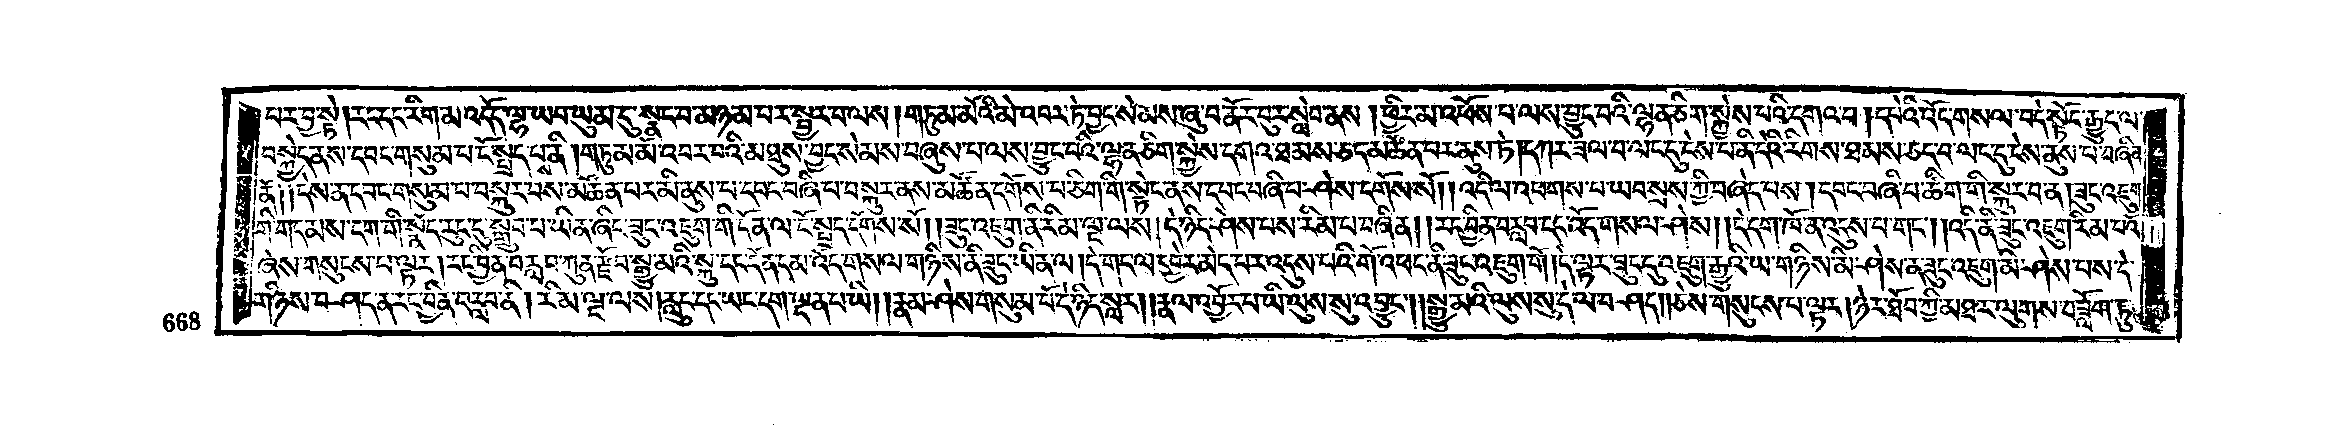པར་བྱ་སྟེ། རང་དང་རིག་མ་འདོད་ལྷ་ཡབ་ཡུམ་དུ་སྣང་བ་མཉམ་པར་སྦྱར་བ་ལས། གཏུམ་མོའི་མེ་འབར་ཏེ་བྱང་སེམས་ཞུ་བ་ནོར་བུར་སླེབ་ནས། ཕྱིར་མ་འཕོས་པ་ལས་བྱུང་བའི་ལྷན་ཅིག་སྐྱེས་པའི་དགའ་བ། དཔེའི་འོད་གསལ་བདེ་སྟོང་རྒྱུད་ལ་
བསྐྱེད་ནས་དབང་གསུམ་པ་ངོ་སྤྲད་པས་ནི། གཏུམ་མོ་འབར་བའི་མཐུས་བྱང་སེམས་བཞུས་པ་ལས་བྱུང་བའི་ལྷན་ཅིག་སྐྱེས་དགའ་ཐམས་ཅད་མཚོན་པར་ནུས་ཏེ། དཀར་ཟལ་བ་ལང་དུ་ངེས་པ་ནི་དེའི་རིགས་ཐམས་ཅད་བ་ལང་དུ་ངེས་ནུས་པ་བཞིན་
ནོ། །དེས་ན་དབང་གསུམ་པ་བསྐུར་བས་མཚོན་པར་མི་ནུས་པ་དབང་བཞི་པ་བསྐུར་ནས་མཚོན་དགོས་པ་ཅིག་གི་སྟེང་ནས་དབང་བཞི་པ་ཤེས་དགོས་སོ། །འདི་ལ་འཕགས་པ་ཡབ་སྲས་ཀྱི་བཞེད་པས། དབང་བཞི་པ་ཚིག་གི་སྐུར་བ་ན། ཟུང་འཇུག་
གི་གདམས་ངག་གི་སྣོད་རུང་དུ་སྒྲུབ་པ་ཡིན་ཞིང་ཟུང་འཇུག་གི་དོན་ལ་ངོ་སྤྲད་དགོས་སོ། །ཟུང་འཇུག་ནི་རིམ་ལྔ་ལས། དེ་ཉིད་ཤེས་པས་རིམ་པ་བཞིན། །རང་བྱིན་བརླབ་དང་འོད་གསལ་ཤེས། །དེ་དག་ཁོ་ན་འདུས་པ་གང་། །འདི་ནི་ཟུང་འཇུག་རིམ་པའོ། །
ཞེས་གསུངས་པ་ལྟར། རང་བྱིན་བརླབ་ཀུན་རྫོབ་སྒྱུ་མའི་སྐུ་དང་དོན་དམ་འོད་གསལ་གཉིས་ནི་ཟུང་ཡིན་ལ། དེ་གང་ལ་དབྱེར་མེད་པར་འདུས་པའི་གོ་འཕང་ནི་ཟུང་འཇུག་གོ །དེ་ལྟར་ཟུང་དུ་འཇུག་རྒྱུའི་ཡ་གཉིས་མི་ཤེས་ན་ཟུང་འཇུག་མི་ཤེས་པས་དེ་
གཉིས་བཤད་ན་རང་བྱིན་བརླབ་ནི། རིམ་ལྔ་ལས། རླུང་དང་ཡང་དག་ལྡན་པ་ཡི། །རྣམ་ཤེས་གསུམ་པོ་དེ་ཉིད་སླར། །རྣལ་འབྱོར་པ་ཡི་ལུས་སུ་འབྱུང་། །སྒྱུ་མའི་ལུས་སུ་དེ་ལ་བཤད། །ཅེས་གསུངས་པ་ལྟར། ཉེར་ཐོབ་ཀྱི་མཐར་ལུགས་བཟློག་ཏུ་